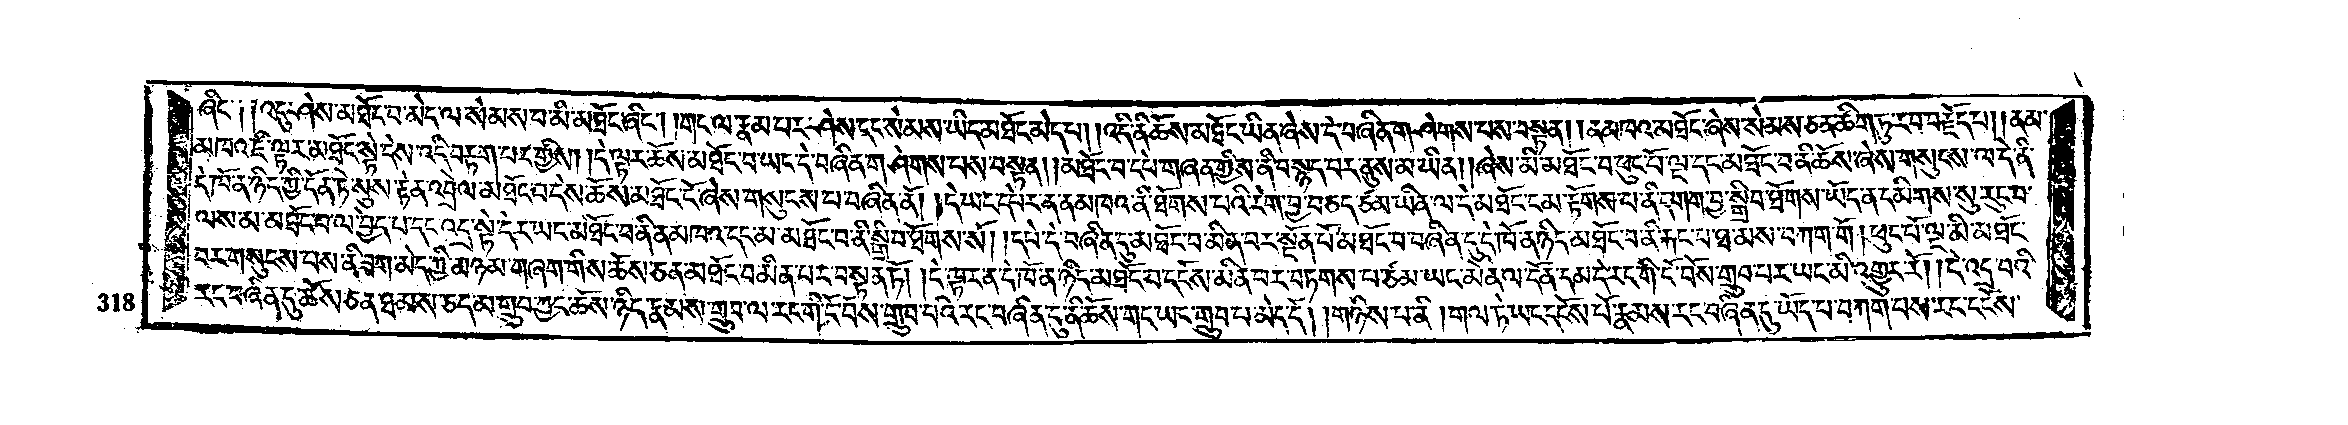ཞིང༑ ༑འདུ་ཤེས་མཐོང་བ་མེད་ལ་སེམས་པ་མི་མཐོང་ཞིང་། །གང་ལ་རྣམ་པར་ཤེས་དང་སེམས་ཡིད་མཐོང་མེད་པ། །འདི་ནི་ཆོས་མཐོང་ཡིན་ཞེས་དེ་བཞིན་གཤེགས་པས་བསྟན། །ནམཁའ་མཐོང་ཞེས་སེམས་ཅན་ཚིག་ཏུ་རབ་བརྗོད་པ། །ནམ་
མཁའ་ཇི་ལྟར་མཐོང་སྟེ་དེས་འདི་བརྟག་པར་གྱིས། །དེ་ལྟར་ཆོས་མཐོང་བ་ཡང་དེ་བཞིན་གཤེགས་པས་བསྟན། །མཐོང་བ་དཔེ་གཞན་གྱིས་ནི་བསྙད་པར་ནུས་མ་ཡིན། །ཞེས་མི་མཐོང་བ་ཕུང་པོ་ལྔ་དང་མཐོང་པ་ནི་ཆོས་ཞེས་གསུངས་ལ་དེ་ནི་
དེ་ཁོ་ན་ཉིད་ཀྱི་དོན་ཏེ་སུས་རྟེན་འབྲེལ་མཐོང་བ་དེས་ཆོས་མཐོང་ངོ་ཞེས་གསུངས་པ་བཞིན་ནོ། །དེ་ཡང་དཔེར་ན་ནམཁའ་ནི་ཐོགས་པའི་རེག་བྱ་བཅད་ཙམ་ཡིན་ལ་དེ་མཐོང་ངམ་རྟོགས་པ་ནི་དགག་བྱ་སྒྲིབ་ཐོགས་ཡོད་ན་དམིགས་སུ་རུང་བ་
ལས་མ་མཐོང་བ་ལ་བྱེད་པ་དང་འདྲ་སྟེ་དེར་ཡང་མཐོང་བ་ནི་ནམཁའ་དང་མ་མཐོང་བ་ནི་སྒྲིབ་ཐོགས་སོ། །དཔེ་དེ་བཞིན་དུ་མཐོང་བ་མིན་པར་སྔོན་པོ་མཐོང་བ་བཞིན་དུ་དེ་ཁོ་ན་ཉིད་མཐོང་བ་ནི་རྐང་པ་ཐ་མས་བཀག་གོ །ཕུང་པོ་ལྔ་མི་མཐོང་
བར་གསུངས་པས་ནི་ཟག་མེད་ཀྱི་མཉམ་གཞག་གིས་ཆོས་ཅན་མཐོང་བ་མིན་པར་བསྟན་ཏོ། །དེ་ལྟར་ན་དེ་ཁོ་ན་ཉིད་མཐོང་བ་དངོས་མིན་པར་བཏགས་པ་ཙམ་ཡང་མིན་ལ་དོན་དམ་དེ་རང་གི་ངོ་བོས་གྲུབ་པར་ཡང་མི་འགྱུར་རོ། །དེ་འདྲ་བའི་
རང་བཞིན་དུ་ཆོས་ཅན་ཐམས་ཅད་མ་གྲུབ་ཀྱང་ཆོས་ཉིད་རྣམས་གྲུབ་ལ་རང་གི་ངོ་བོས་གྲུབ་པའི་རང་བཞིན་དུ་ནི་ཆོས་གང་ཡང་གྲུབ་པ་མེད་དོ། །གཉིས་པ་ནི། གལ་ཏེ་ཡང་དངོས་པོ་རྣམས་རང་བཞིན་དུ་ཡོད་པ་བཀག་པས་རང་དངོས་